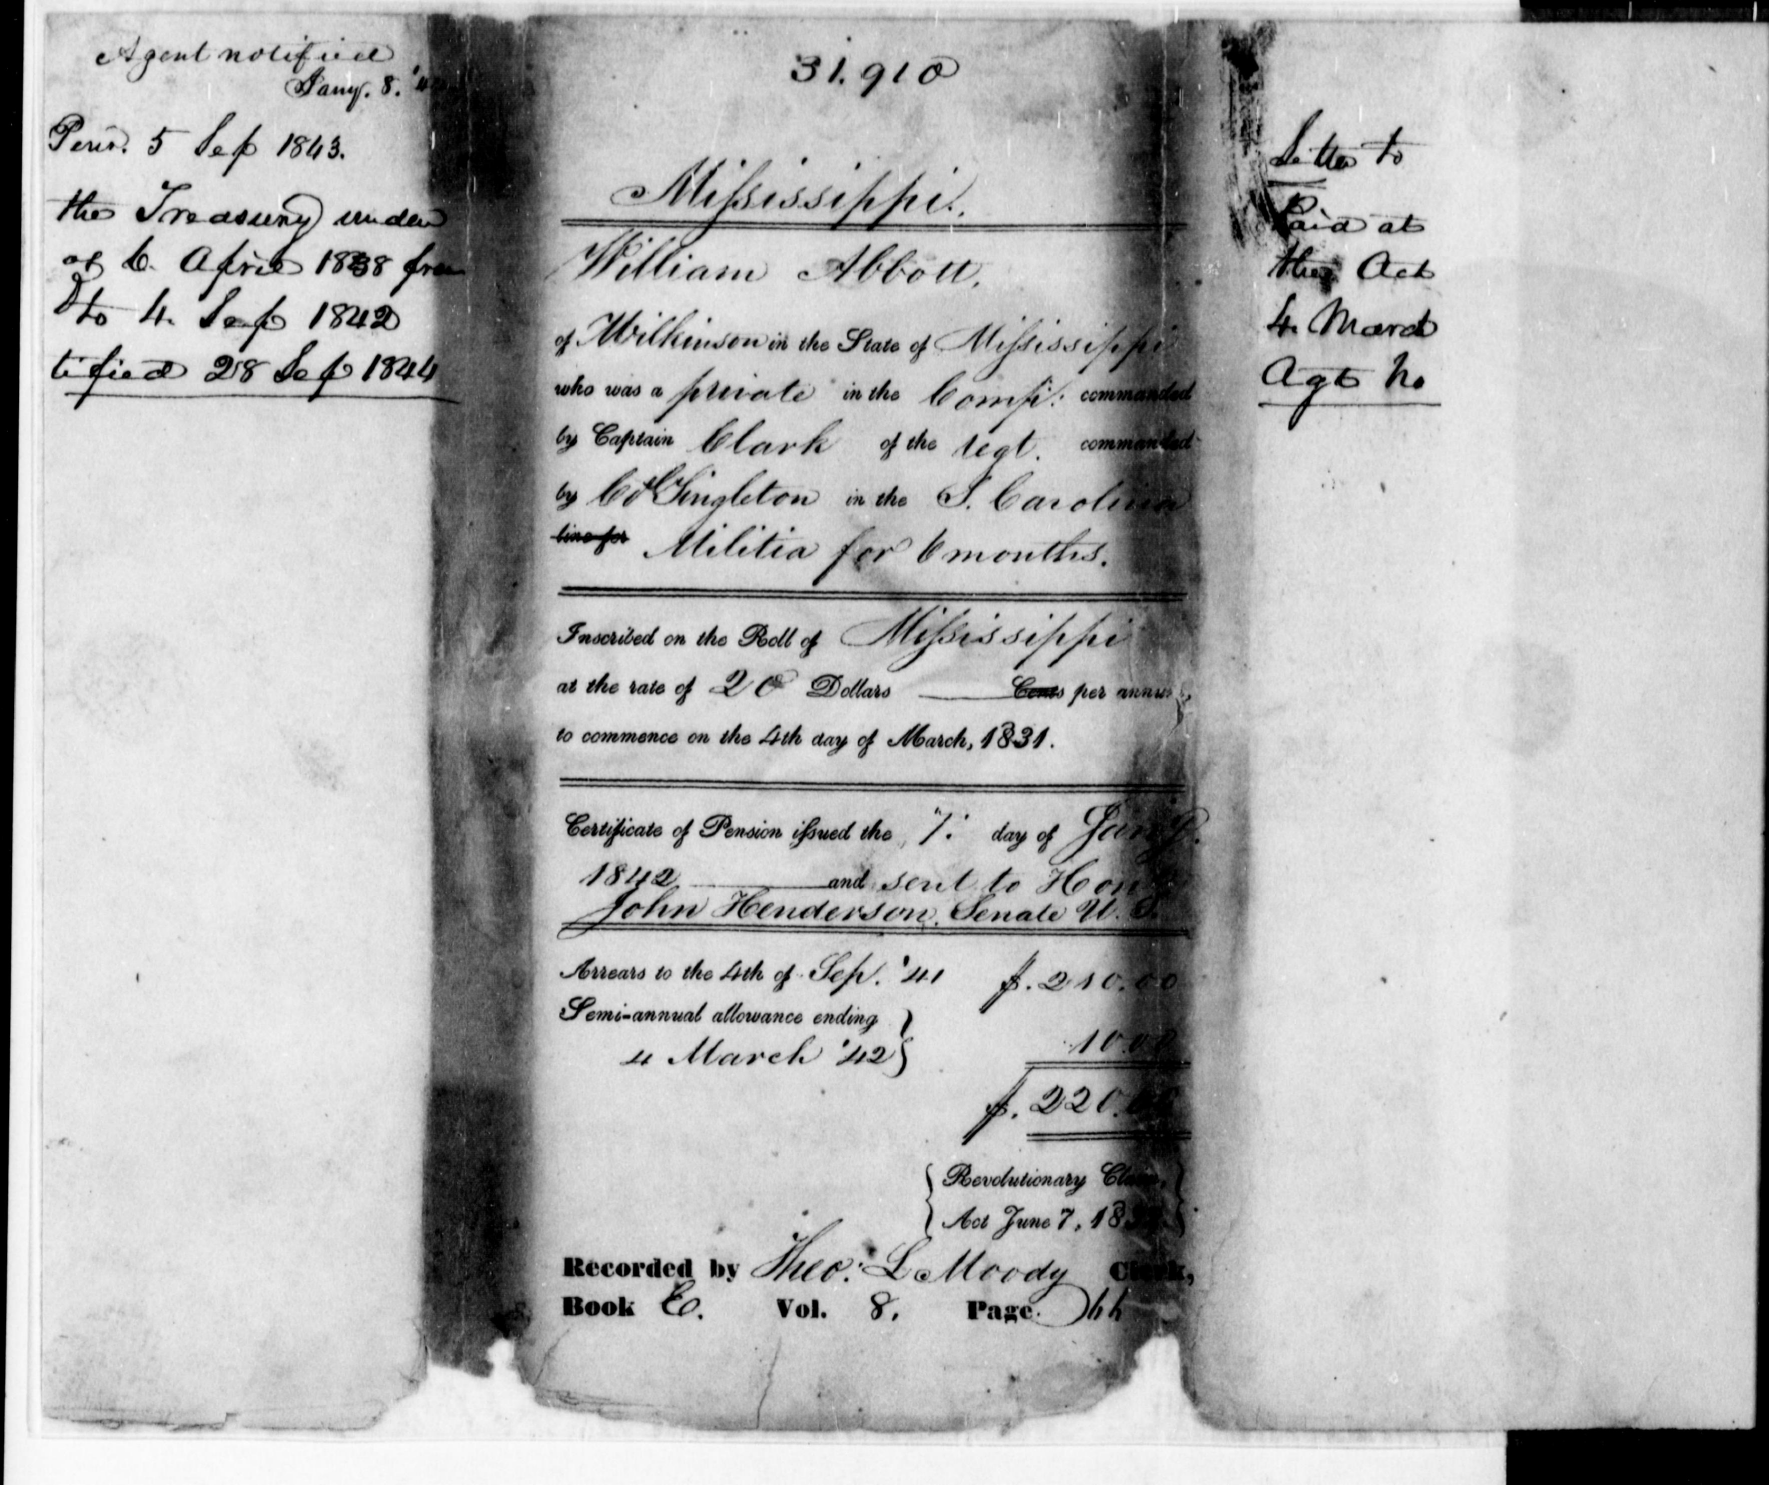[first column and last columns]
Agent notified Jany. 8. '43
Letter to Pens. 5 Sep 1843.
Paid at the Treasury under the Act of 6. April 1838 from 4. March to 4. Sep 1842
Agt notified 28 Sep 1844

[middle column]
31.910
Mississippi
---
William Abbott, of Wilkinson in the State of Mississippi who was a private in the Comp. commanded by Captain Clark of the Regt. commanded by Col Singleton in the S. Carolina 
Militia for 6 months.
---
Inscribed on the Roll of Mississippi at the rate of 20 Dollars per annum to commence on the 4th day of March, 1831.
---
Certificate of Pension issued the 7 day of Jany. 1842 and sent to Hon. John Henderson, Senate U.S.
---
Arrears to the 4th of Sep. '41 $210.00
Semi-annual allowance ending 4 March '42 10.00
[total] $220.00
{Revolutionary Claim, Act June 7, 1832.}
Recorded by Theo L Moody Clerk
Book E. Vol. 8. Page 66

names: Theo L Moody, John Henderson, William Abbott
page: 2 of 38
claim: survivor's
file: S. 30. 239, William Abbott, S.C.